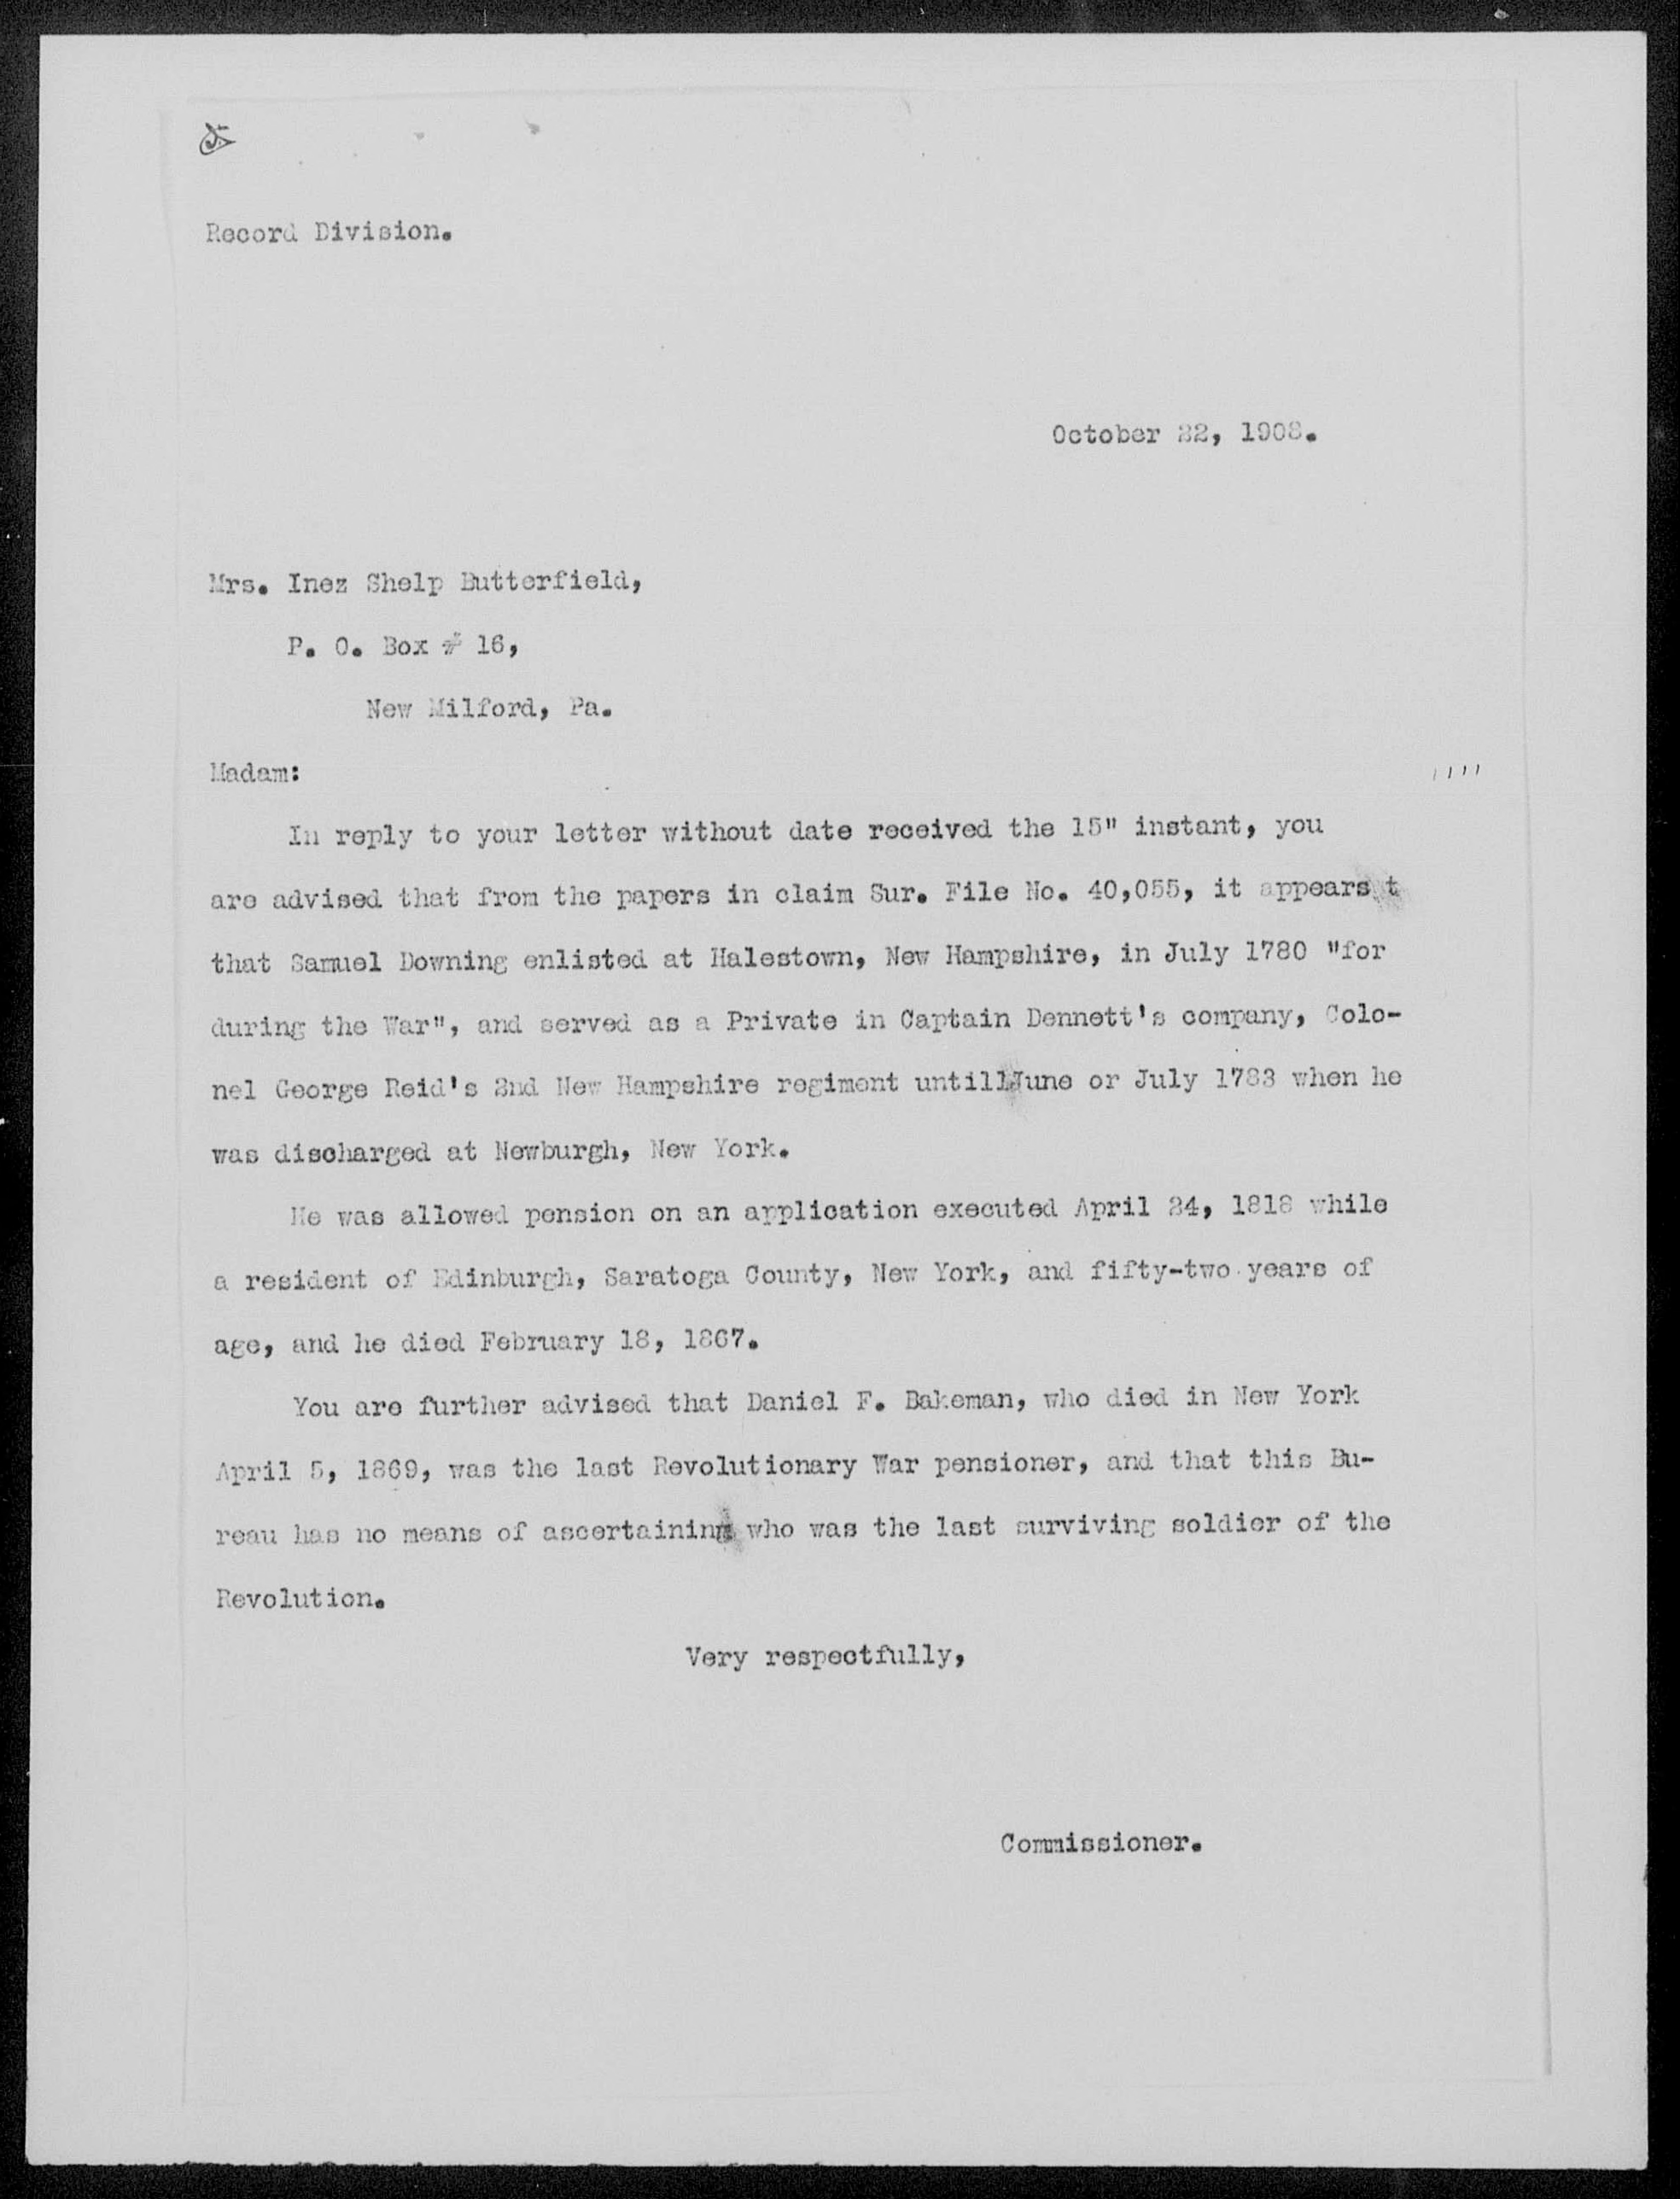Record Division.
October 22, 1998.
Mrs. Inez Shelp Butterfield
P.O. Box # 16,
New Milford, Pa.
Madam:
In reply to your letter without date received the 15” instant, you are advised that from the papers in claim Sur. File No. 40,055, it appears that Samuel Downing enlisted at Halestown,, New Hampshire, in July 1780 “for during the War”, and served as a Private in Captain Dennett’s company, Colonel Reid’s 2nd New Hampshire regiment until June or July 1783 when he was discharged at Newburgh, New York.
He was allowed pension on an application executed April 24, 1818 while a resident of Edinburgh, Saratoga County, New York, and fifty-two years of age, and he died February 18, 1867.
You are further advised that Daniel F. Bakeman, who died in New York April 5, 1869, was the last Revolutionary War pensioner, and that this Bureau has no means of ascertaining who was the last surviving soldier of the Revolution.
Very respectfully,
Commissioner.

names: Daniel F Bakeman, Samuel Downing, Inez Shelp Butterfield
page: 22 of 56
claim: survivor's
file: S. 40,055, Samuel Downing, N.H.